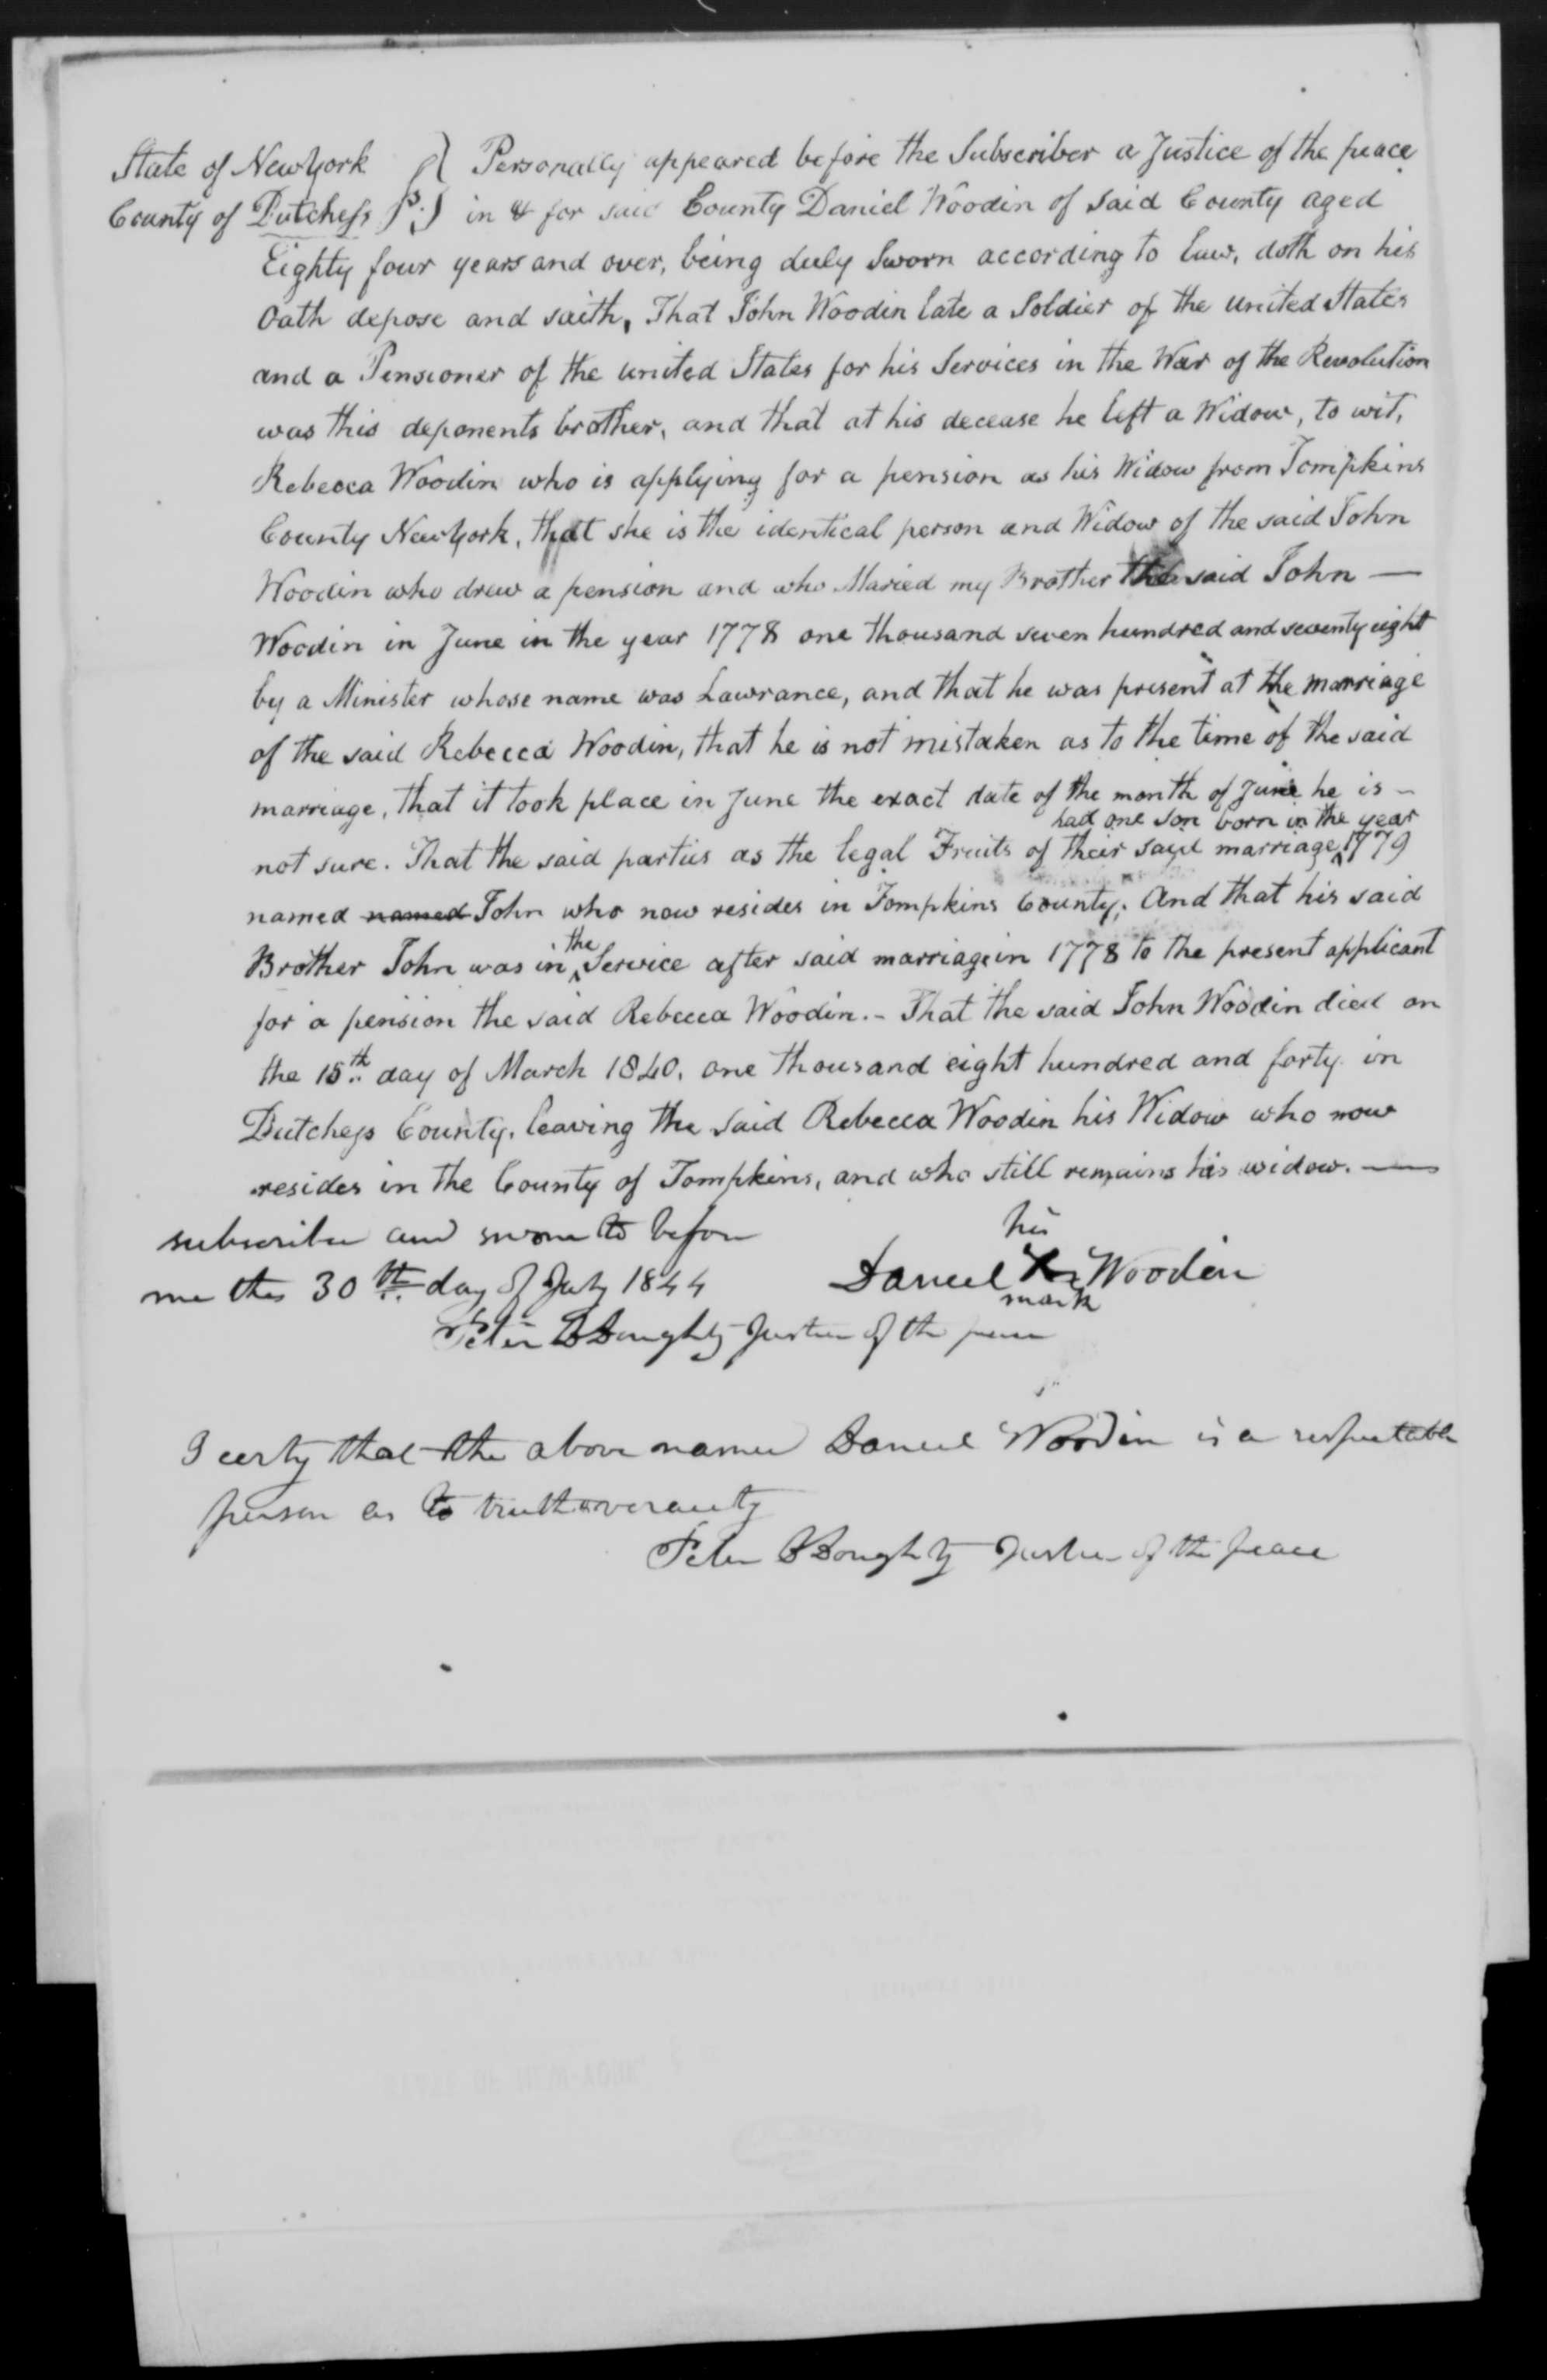State of New York 
County of Dutchess Ss   Personally appeared before the Subscriber a Justice of the peace in & for said County Daniel Woodin of said County aged Eighty four years and over, being duly sworn according to law, doth on his Oath depose and saith, That John Woodin late a Soldier of the United States and a Pensioner of the United States for his services in the War of the Revolution was this deponents brother, and that at his decease he left a widow, to wit, Rebecca Woodin who is applying for a pension as his Widow from Tompkins County New York, that she is the identical person and Widow of the said John Woodin who drew a pension and who married my Brother the said John Woodin in June in the year 1778 one thousand seven hundred and seventy eight by a Minister whose name was Lawrance, and that he was present at the marriage of the said Rebecca Woodin, that he is not mistaken as to the time of the said marriage, that it took place in June the exact date of the month of not sure. That the said parties as the legal fruits of their said marriage had one son born in the year 1779 named named John who now resides in Tompkins County; and that his said Brother John was in the service after said marriage in 1778 to the present applicant for a pension the said Rebecca Woodin. That the said John Woodin died on the 15th day of March 1840, one thousand eight hundred and forty in Dutchess County, leaving the said Rebecca Woodin his Widow who now resides in the County of Tompkins, and who still remains his widow. [signed] Daniel Woodin  X his mark
subscribed and sworn to before his me this 30th day of July 1844 Peter D Doughty Justice of the peace
I certify that the above named Daniel Woodin is a respectable person as to truth & veracity
[signed] Peter D Doughty Justice of the Peace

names: John Woodin, Peter D Doughty, Daniel Woodin, Lawrance, Rebecca Woodin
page: 23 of 77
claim: widow's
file: W. 19658, John Woodin, New York